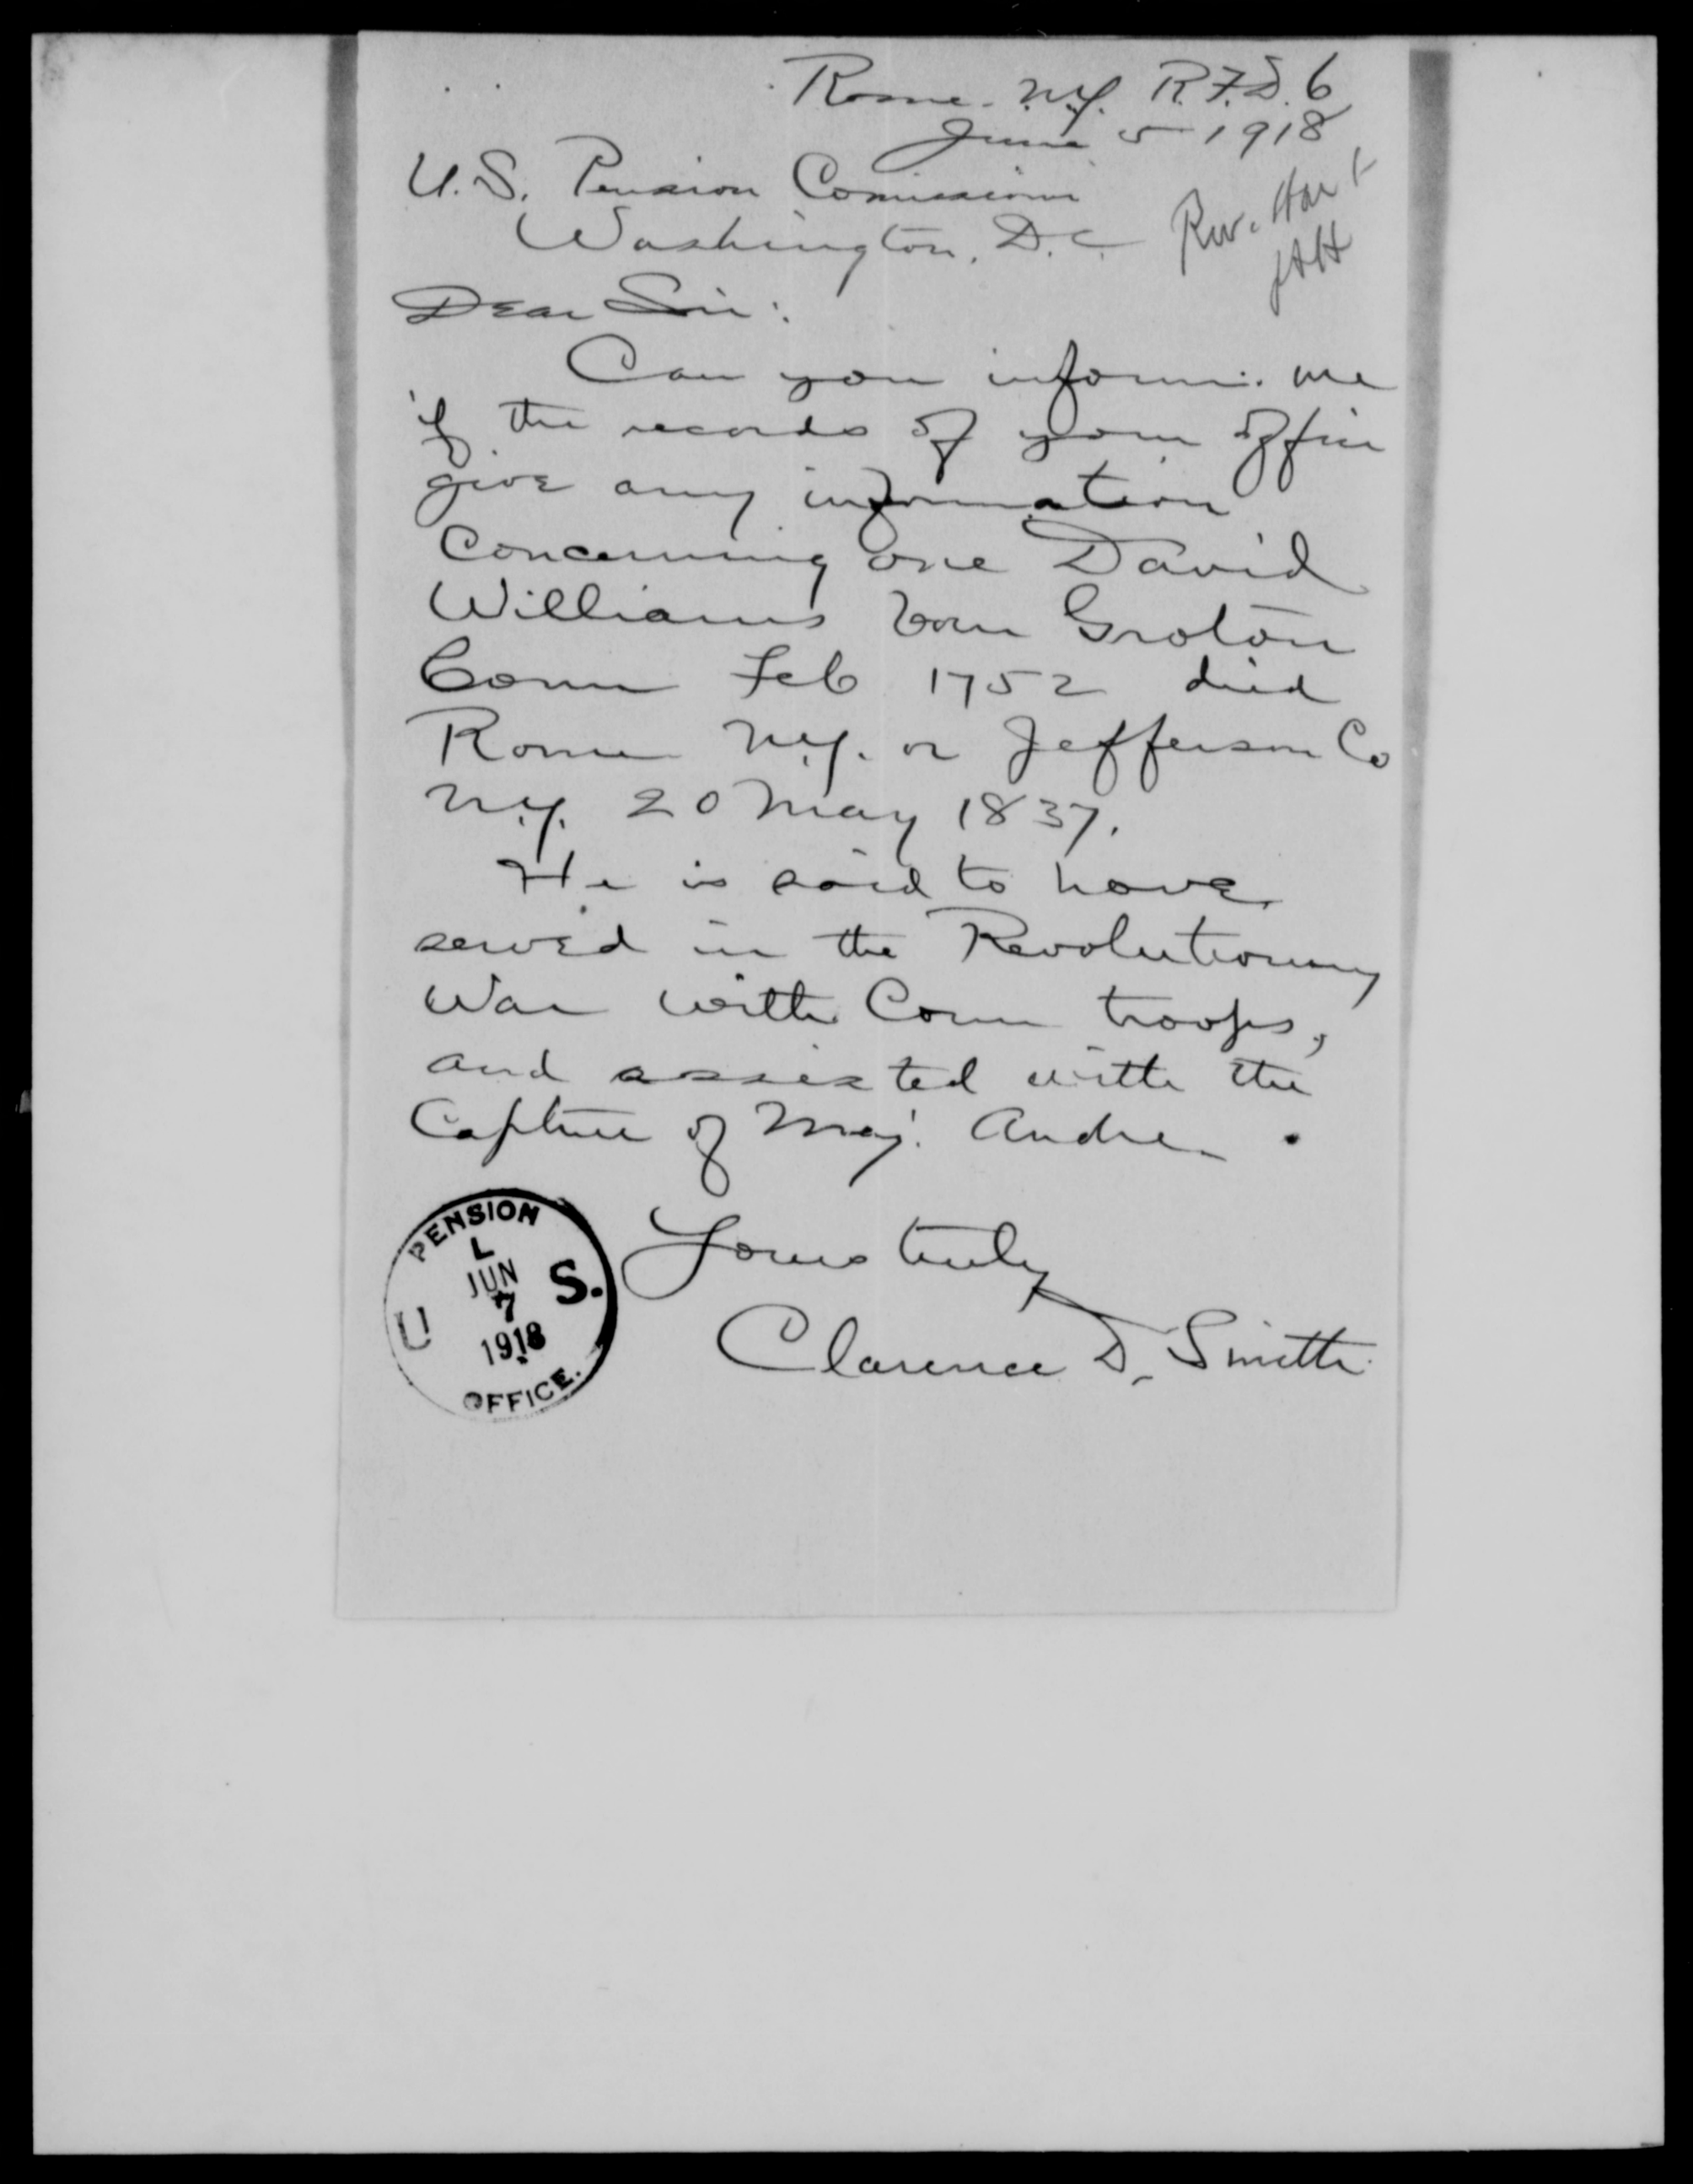Rome N Y RFS6
June 5, 1918
U. S. Pension Commission
Washington D. C. 
    Rev. Hart JSH

Dear Sir:
Can you inform me if the records of your office give any information concerning one David Williams from Groton Conn. Feb 1752 died Rome N. Y. or Jefferson Co N. Y. 20 May 1837.
He is said to have served in the Revolutionary War with Conn. troops, and assisted with the Capture of Maj. Andre
Yours truly
Clarence D. Smith

(stamp) Pension Office U. S. L Jun 7 1918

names: David Williams, Clarence D Smith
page: 50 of 63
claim: widow's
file: W. 22,632, David Williams, Conn. Continental Privateer